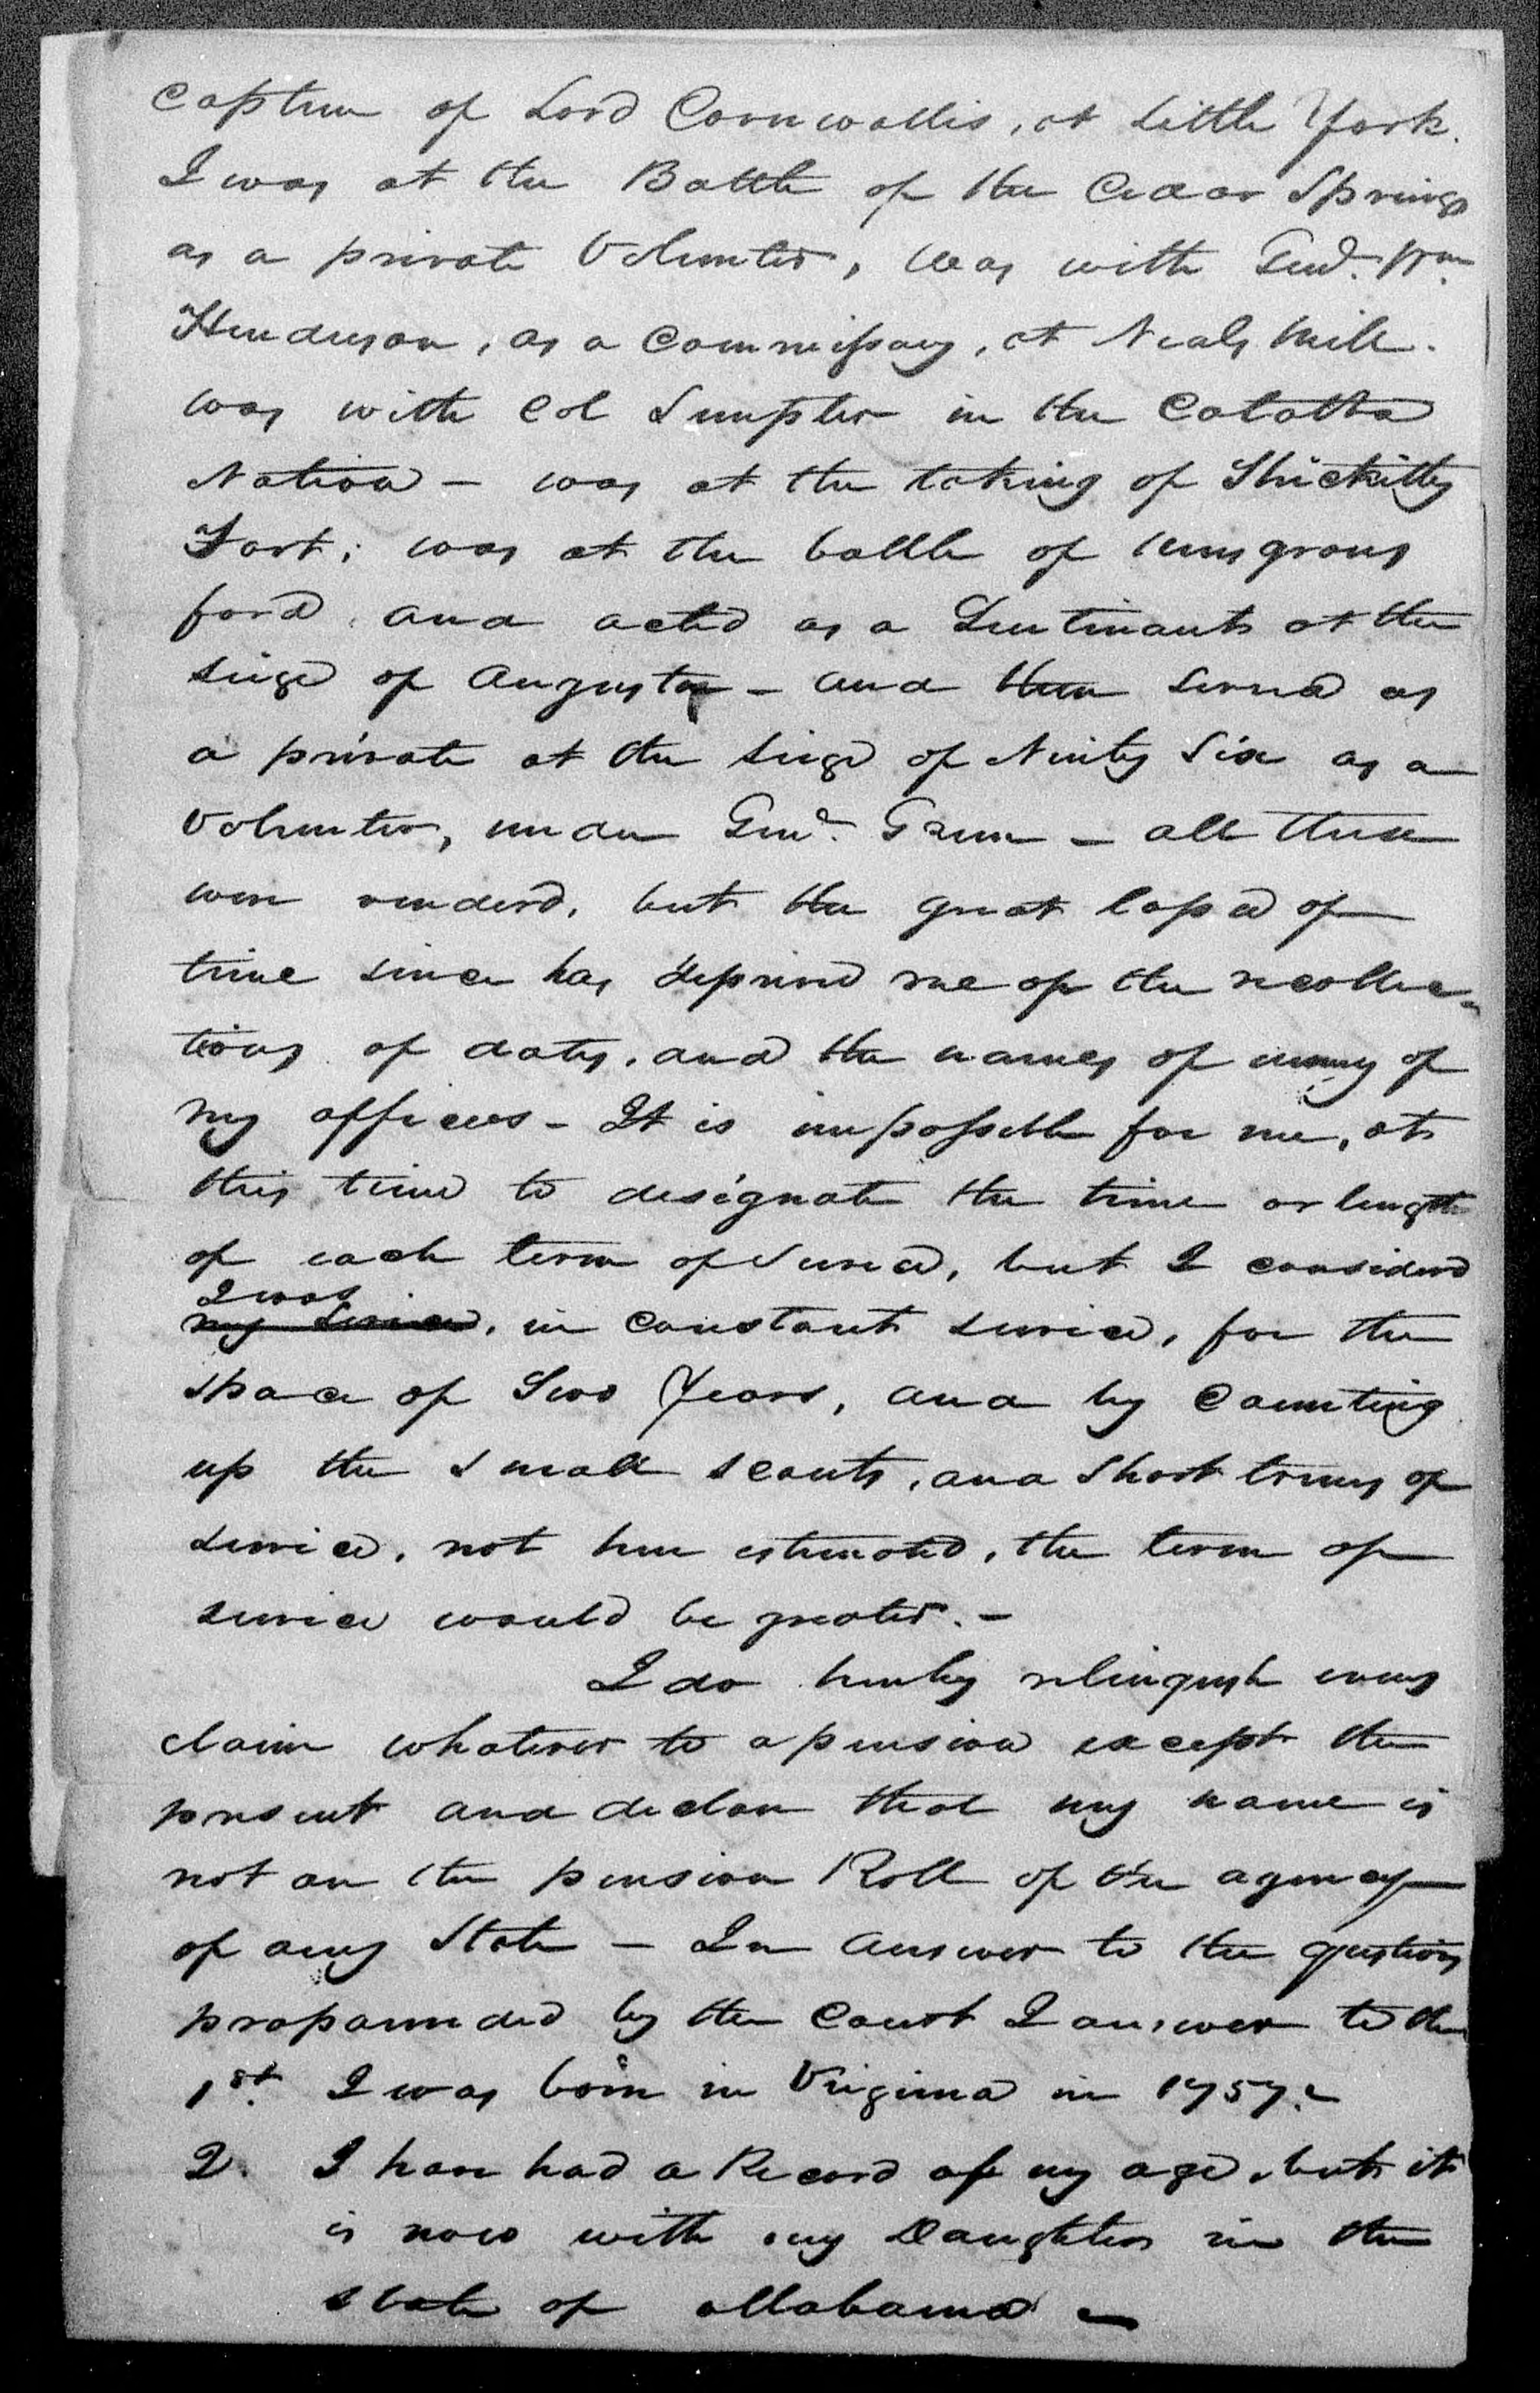Captain of Cornwallis, at Little York. I was at the Battle of the Cedar Spring as a private Volunter, was with Genl. Wm. Henderson, as a commissary, at Neal Mill. was with Col Sumpter in the Cototha Nation – was at the taking of Thickitty Fort; was at the Battle of [illegible] ford, and acted as a Lieutenant at the siege of Augusta – and then served as a private at the Siege of Ninty Six as a Volunteer, under Genl. Greene – all these were [illegible], but the great loss of time since has deprived me of the recollection of dates, and the name of any of my officers – It is impossible for me, at this time to designate the time or length of each term of service, but I considered I was, in constant service, for the space of two years, and by counting up the said scants, and short tours of service, not have estimated, the term of service would be greater.  

I do hereby relinquish every claim whatever to a pension except the present and declare that my name is not on the Pension Roll of the agency of any state – In answer to the question propounded by the court I answer to the 1st I was born in Virginia in 1757. -

2. I have had a record of my age, but it is now with my Daughter in the state of Alabama -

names: Green, Simpter, Wm Henderson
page: 4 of 57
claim: survivor's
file: S. 18888, David Golightly, S.C.